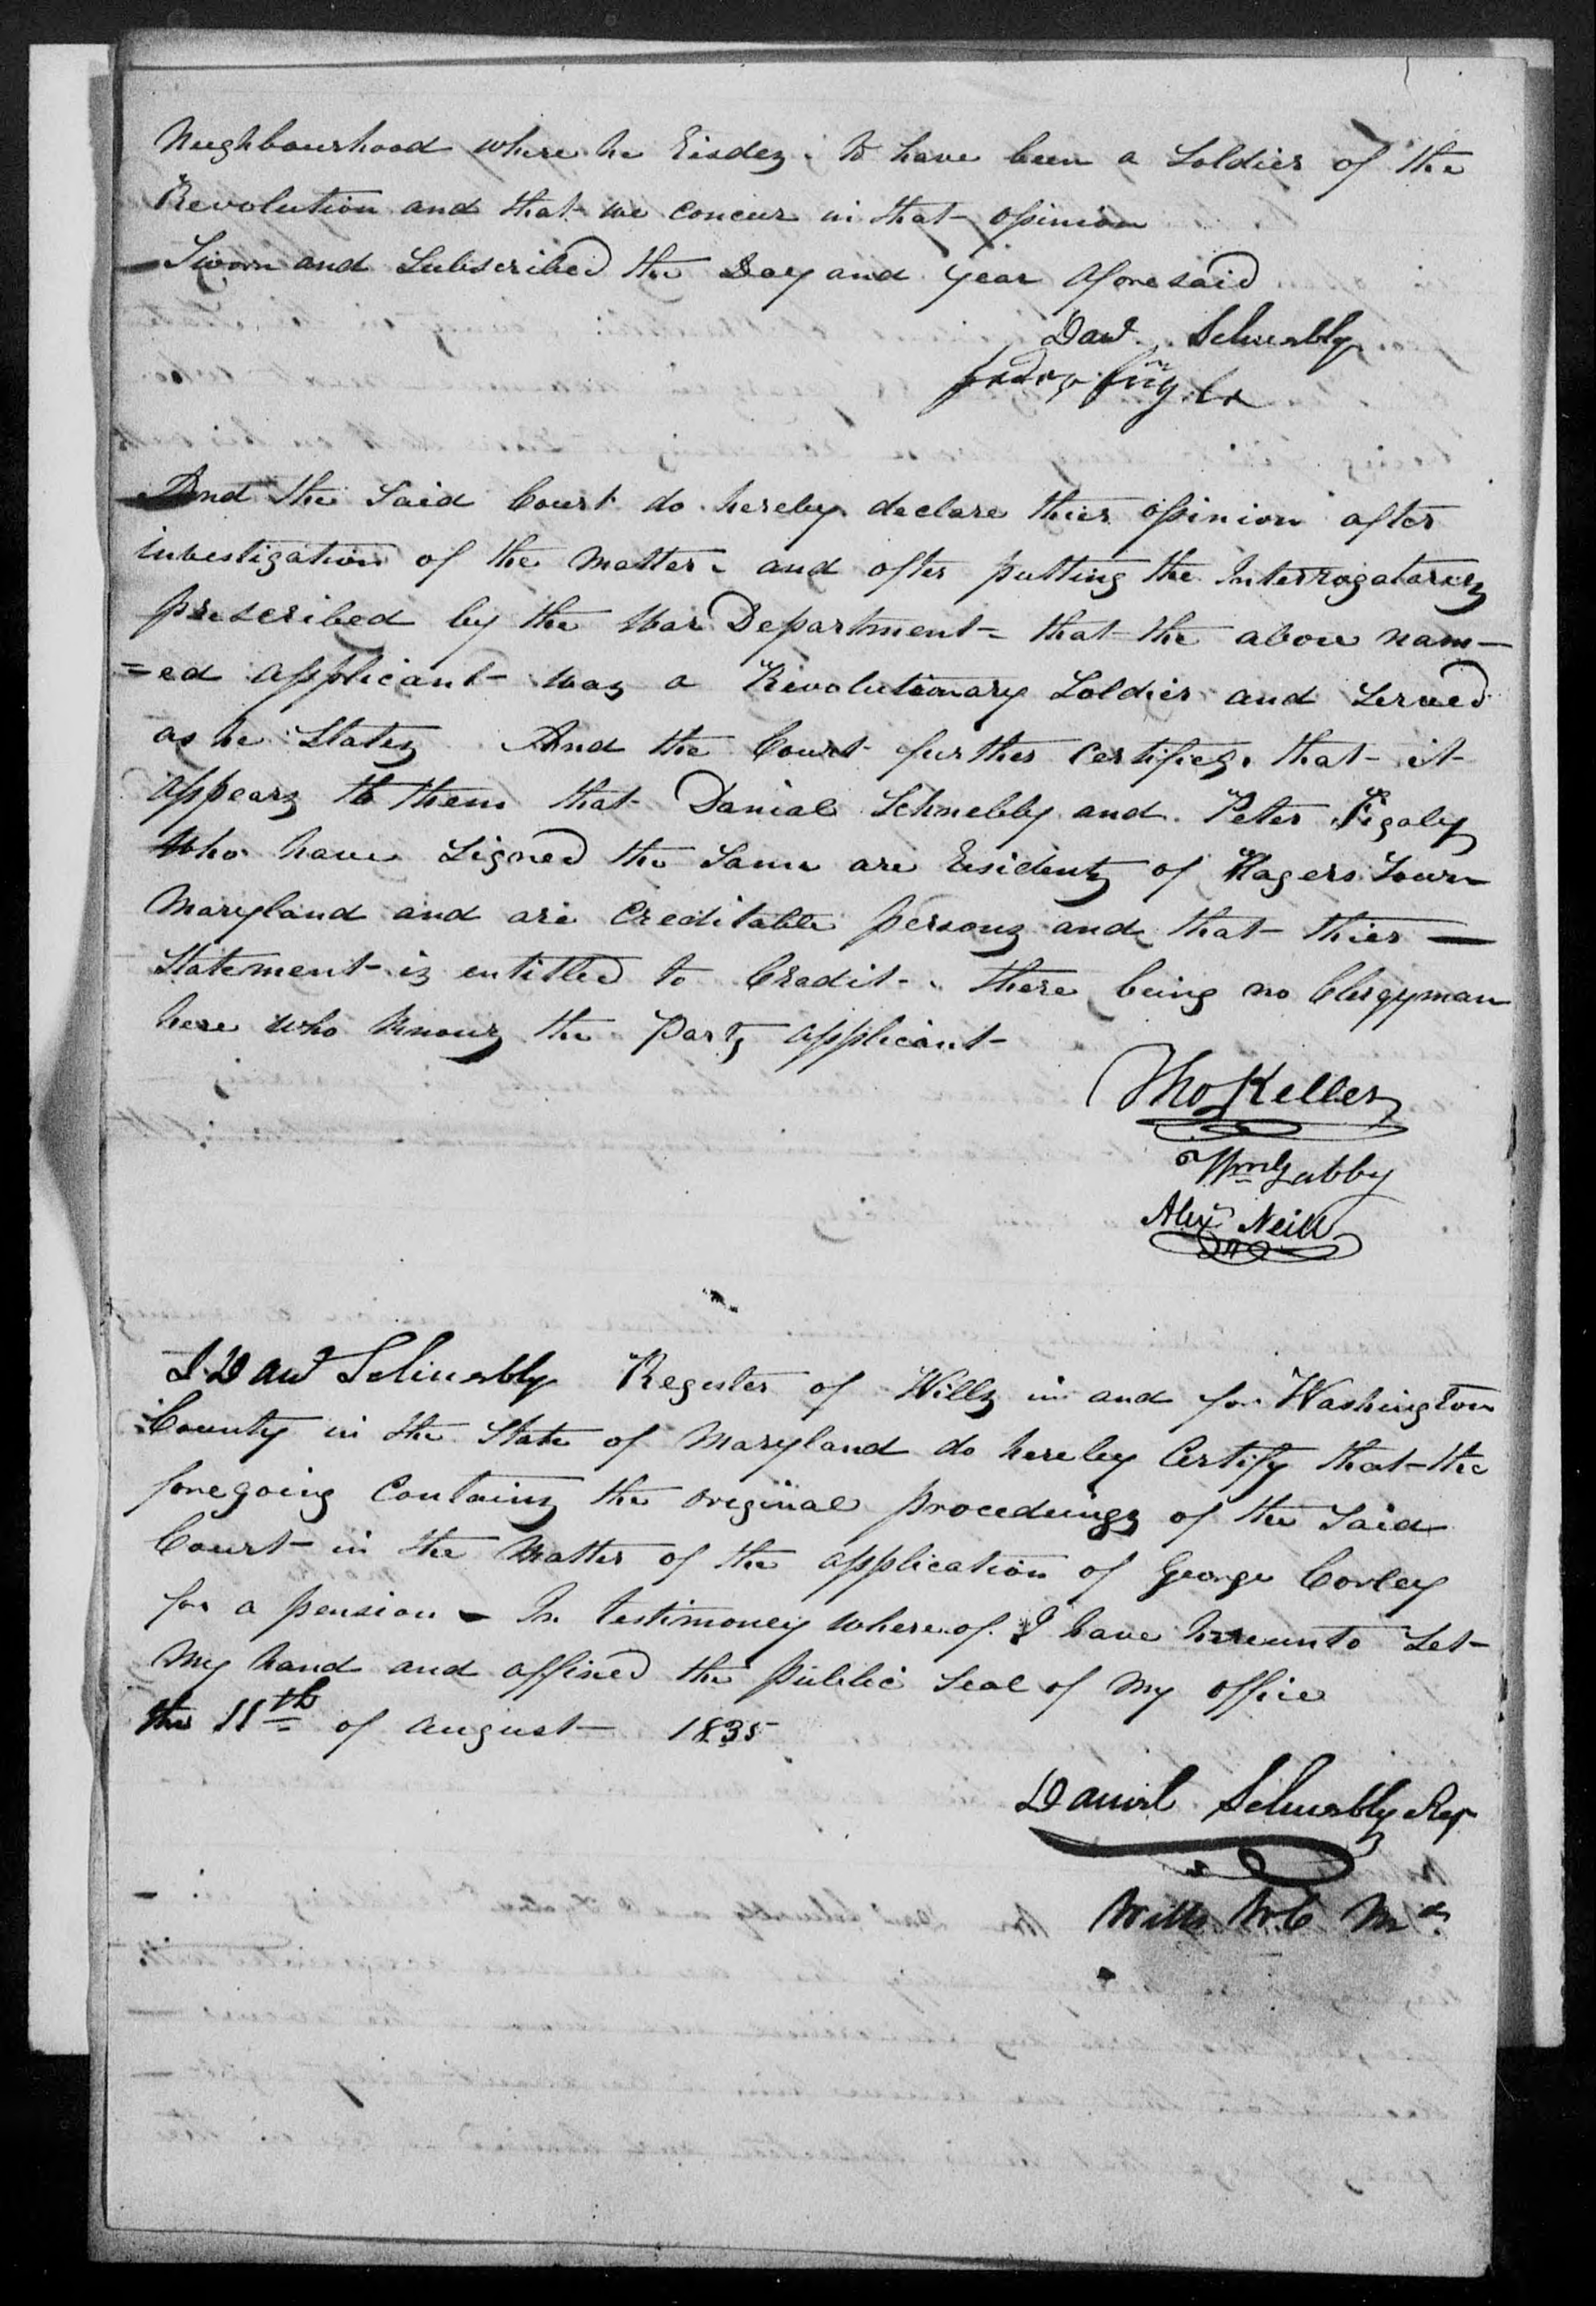neighbourhood where he resides to have been a soldier of the
Revolution and that we concur in that opinion.
Sworn and subscribed the day and year aforesaid.

Danl. Schurbly
Peter Figaly

And the said Court do hereby declare their opinion after
investigation of the matter and after putting the Interrogatories
prescribed by the War Department. That the above nam-
ed applicant was a Revolutionary soldier and served
as he states.  And the Court further certifies that it
appears to them that Daniel Schurbly and Peter Figaly
who have signed the same are residents of Hagers Town
Maryland and are creditable persons and that their
statment is entitled to credit there being no Clergyman
here who knows the [illegible] applicant.

Tho Keller
Wm Gabby
Alexr Neill

I Danl. Schurbly Register of Wills in and for Washington
County in the State Maryland do hereby certify that the
foregoing contains the original proceedings of the said
Court in the matter of the application of George Corley
for a pension.  In testimony whereof I have hereunto set
my hand and affixed the public seal of my office
this 11th of August 1835.

Daniel Schurbly Regr.
Wills W.C. Md.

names: Wm Gabby, Peter Figaly, Alexr Neill, Danl Schurbly, Danl Schurbly, Danial Schnebly, Tho Keller, George Corley, Danl Schurbly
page: 5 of 22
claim: survivor's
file: S. 9,199, George Corley, Md.